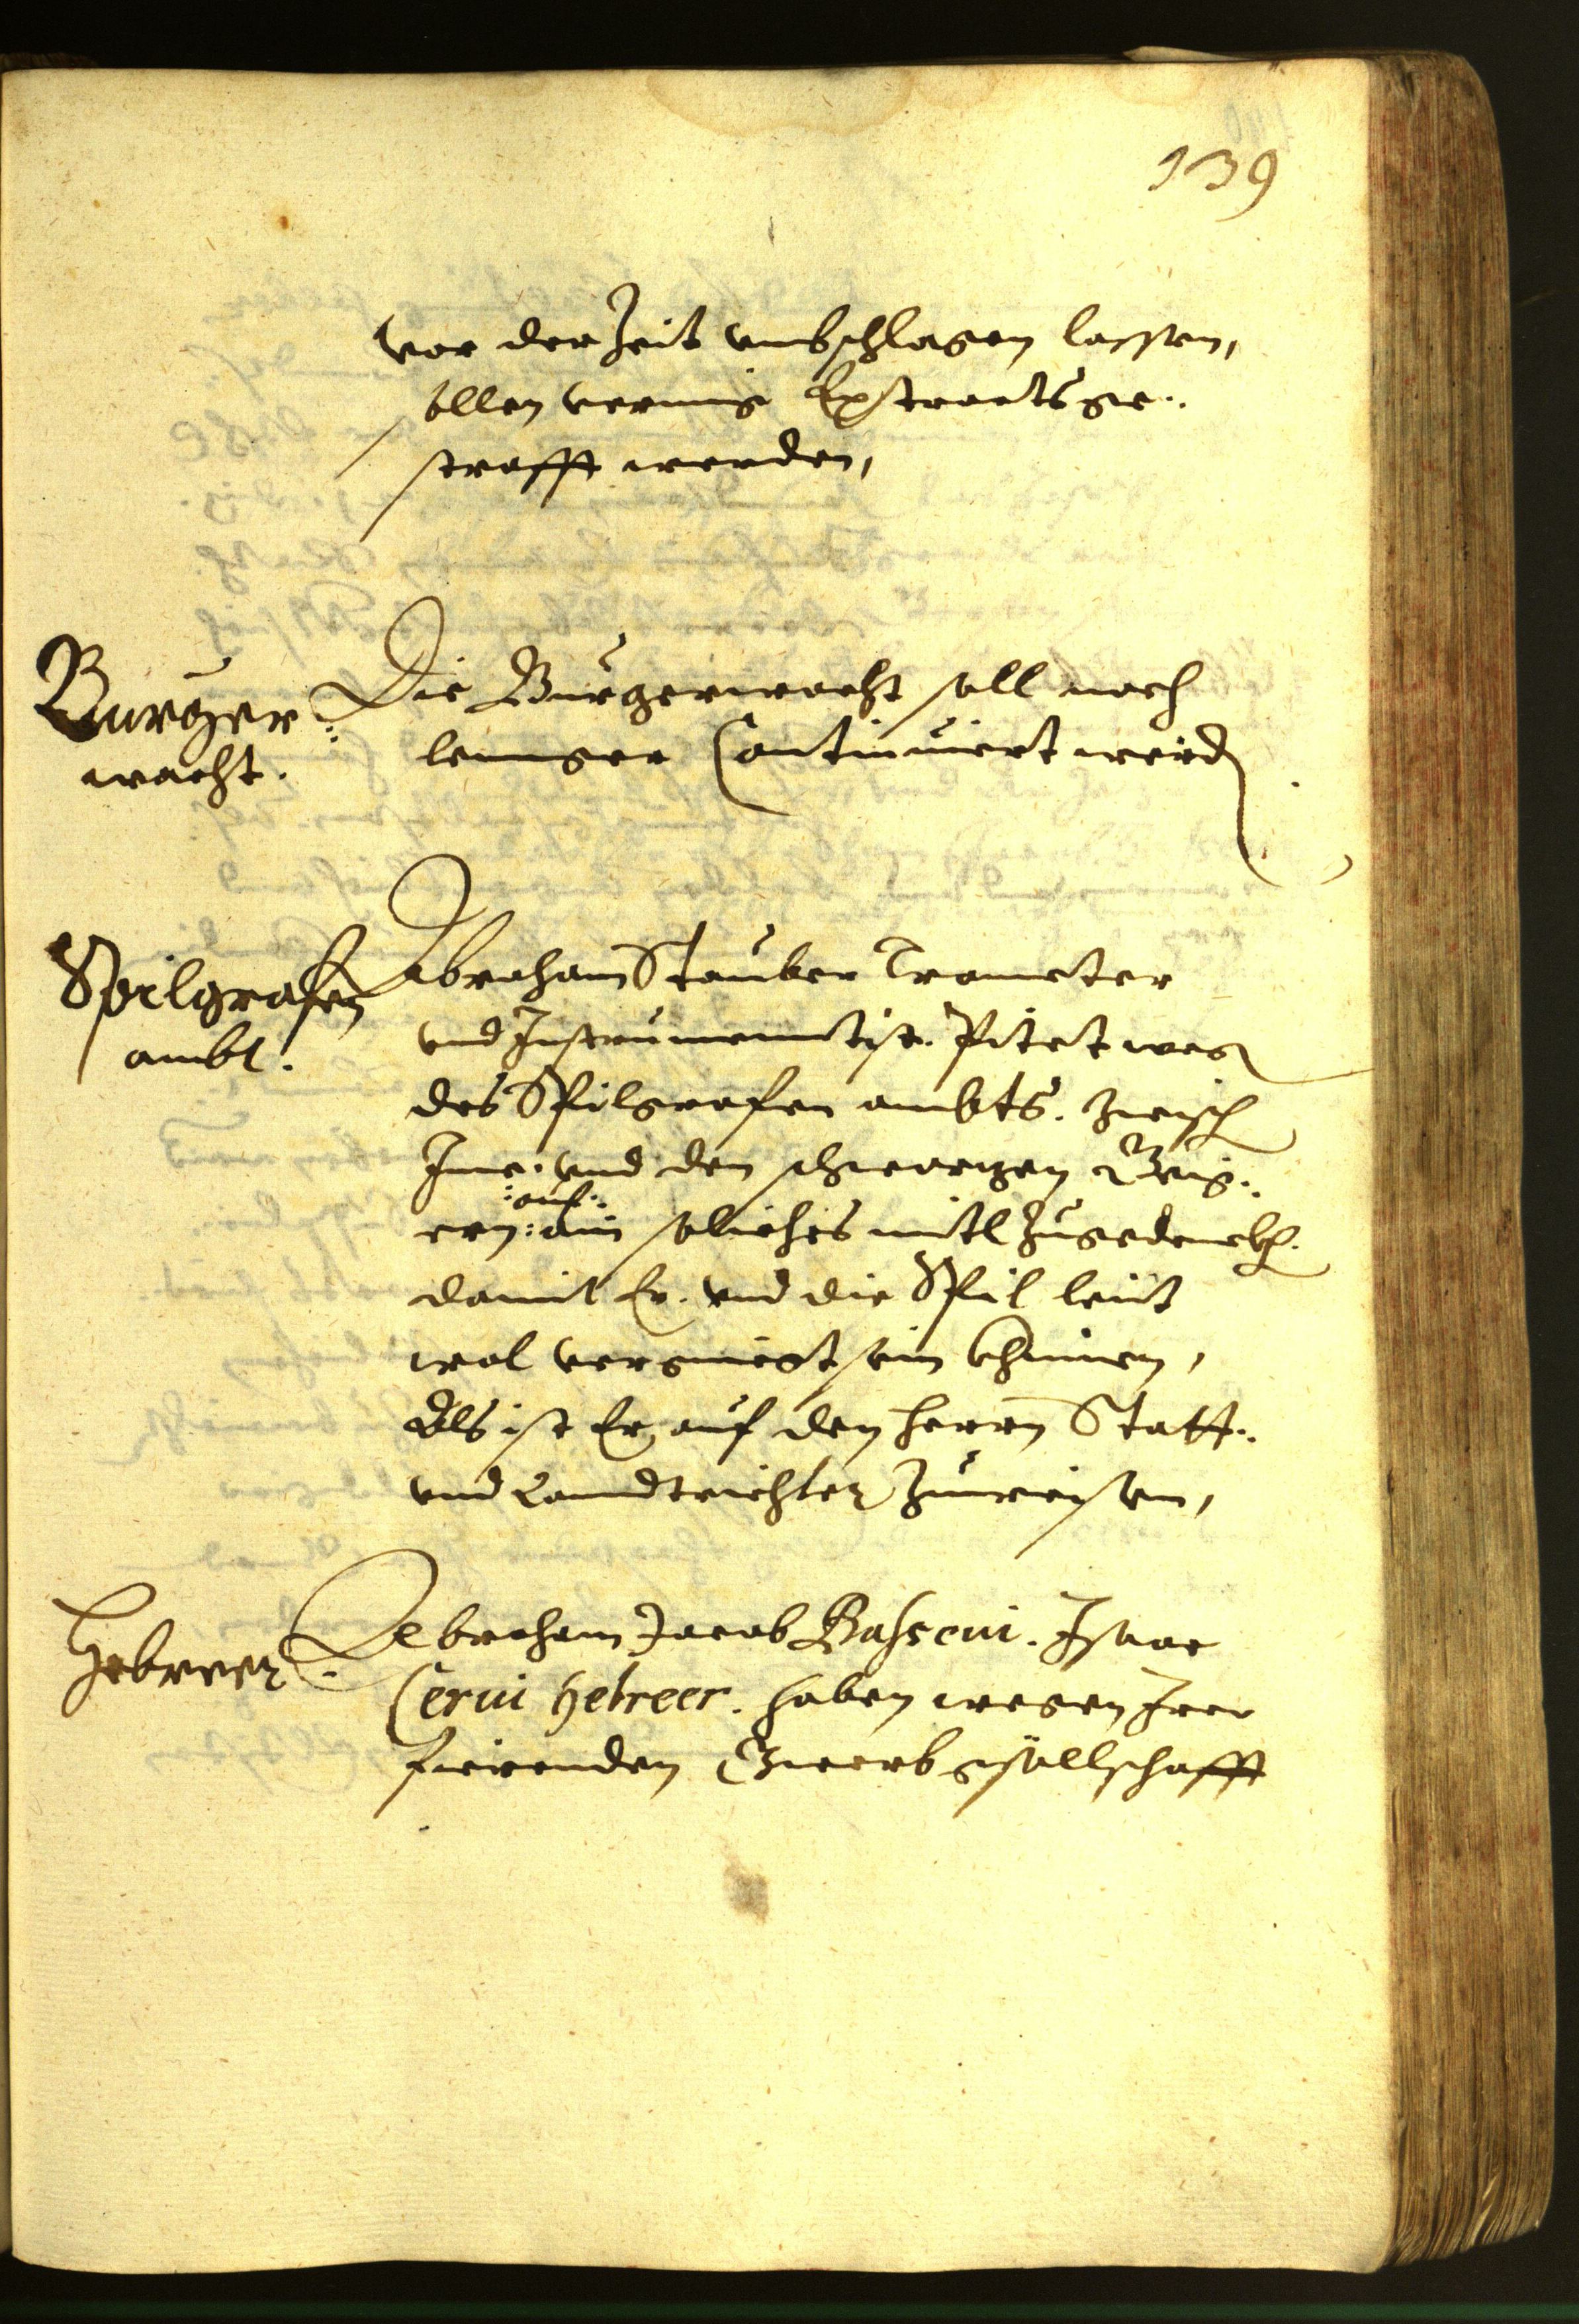139
vor der Zeit vmbschlagen lassen,
sollen vermig Extracts ge¬
strafft werden,
Die Būrgerwacht soll noch
lennger Continūiert werd.
Būrger¬
wacht.
Abraham Staūber Trometer
vnd Instrūmentist. Pitet weg
des Spilgrafen ambts. Zwisch
Ime. vnd den schwarzen Geig¬
:aūf:
ern ain soliches mitl Zūgedenckh.
damit Er. vnd die Spil leüt
wol vergniegt sein khūnen,
Als ist Er aūf den herrn Statt¬
vnd Lanndtrichter Zūweisen,
Spilgrafen
ambt.
Abraham Jacob Basseni. Isac
Cerni hebreer. haben wegen Irer
fierenden Gwerb gsöllschafft
Hebreer.